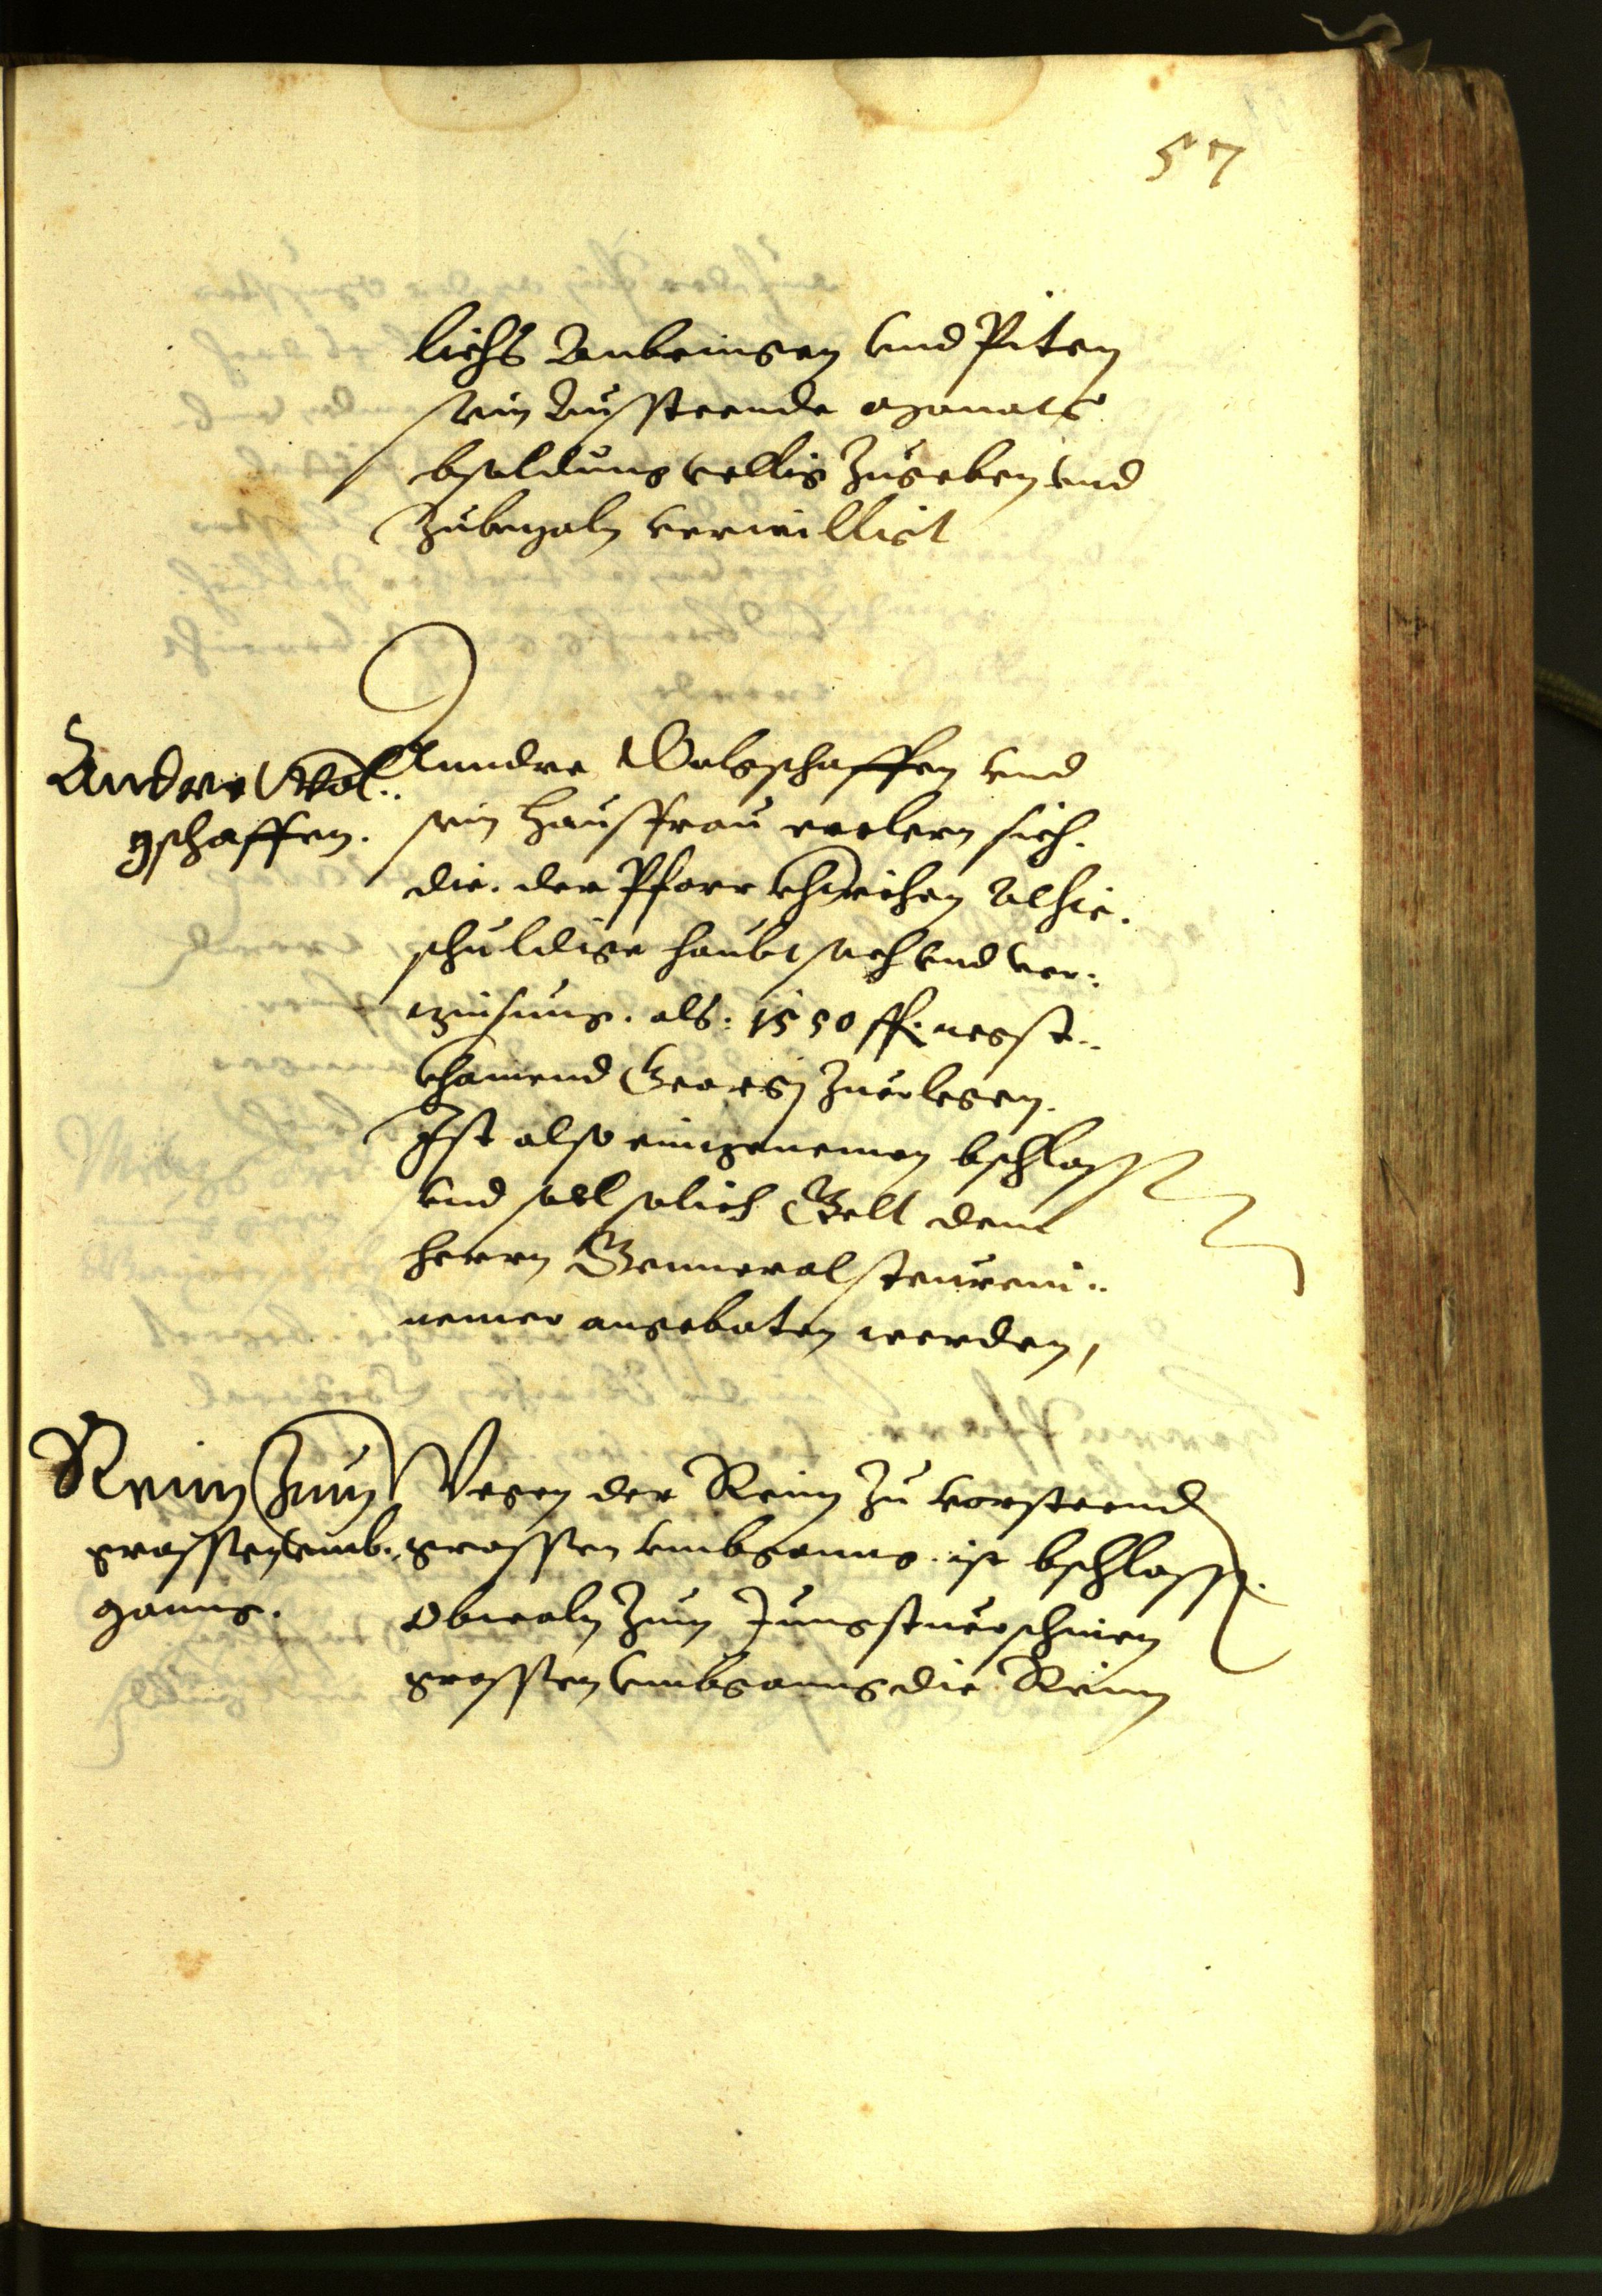57
lichs Anbringen vnd Piten
sein Aūssteende Monats
besoldūng vellig Zūgeben vnd
Zūbezaln verwilligt.
Andre Wol¬
gschaffen.
Anndre Wolgschaffen vnd
sein Haūsfraū erclern sich.
die. der Pfarrkhirchen Alhie.
schūldigen haūbtsach vnd ver¬
zinsūng. als. 1550 fl. negst¬
khomend Georgj Zuērlegen.
Ist also einzenemen bschloss
vnd soll solich Gelt dem
herrn Genneralsteūrein¬
nemer angeboten werden,
Reim Zūm
grossen vmb¬
ganng.
Wegen der Reim Zū vorsteend
grossen vmbganng. ist bschloss
Obwoln Zūm Jūngstverschinen
grossen vmbganng die Reim